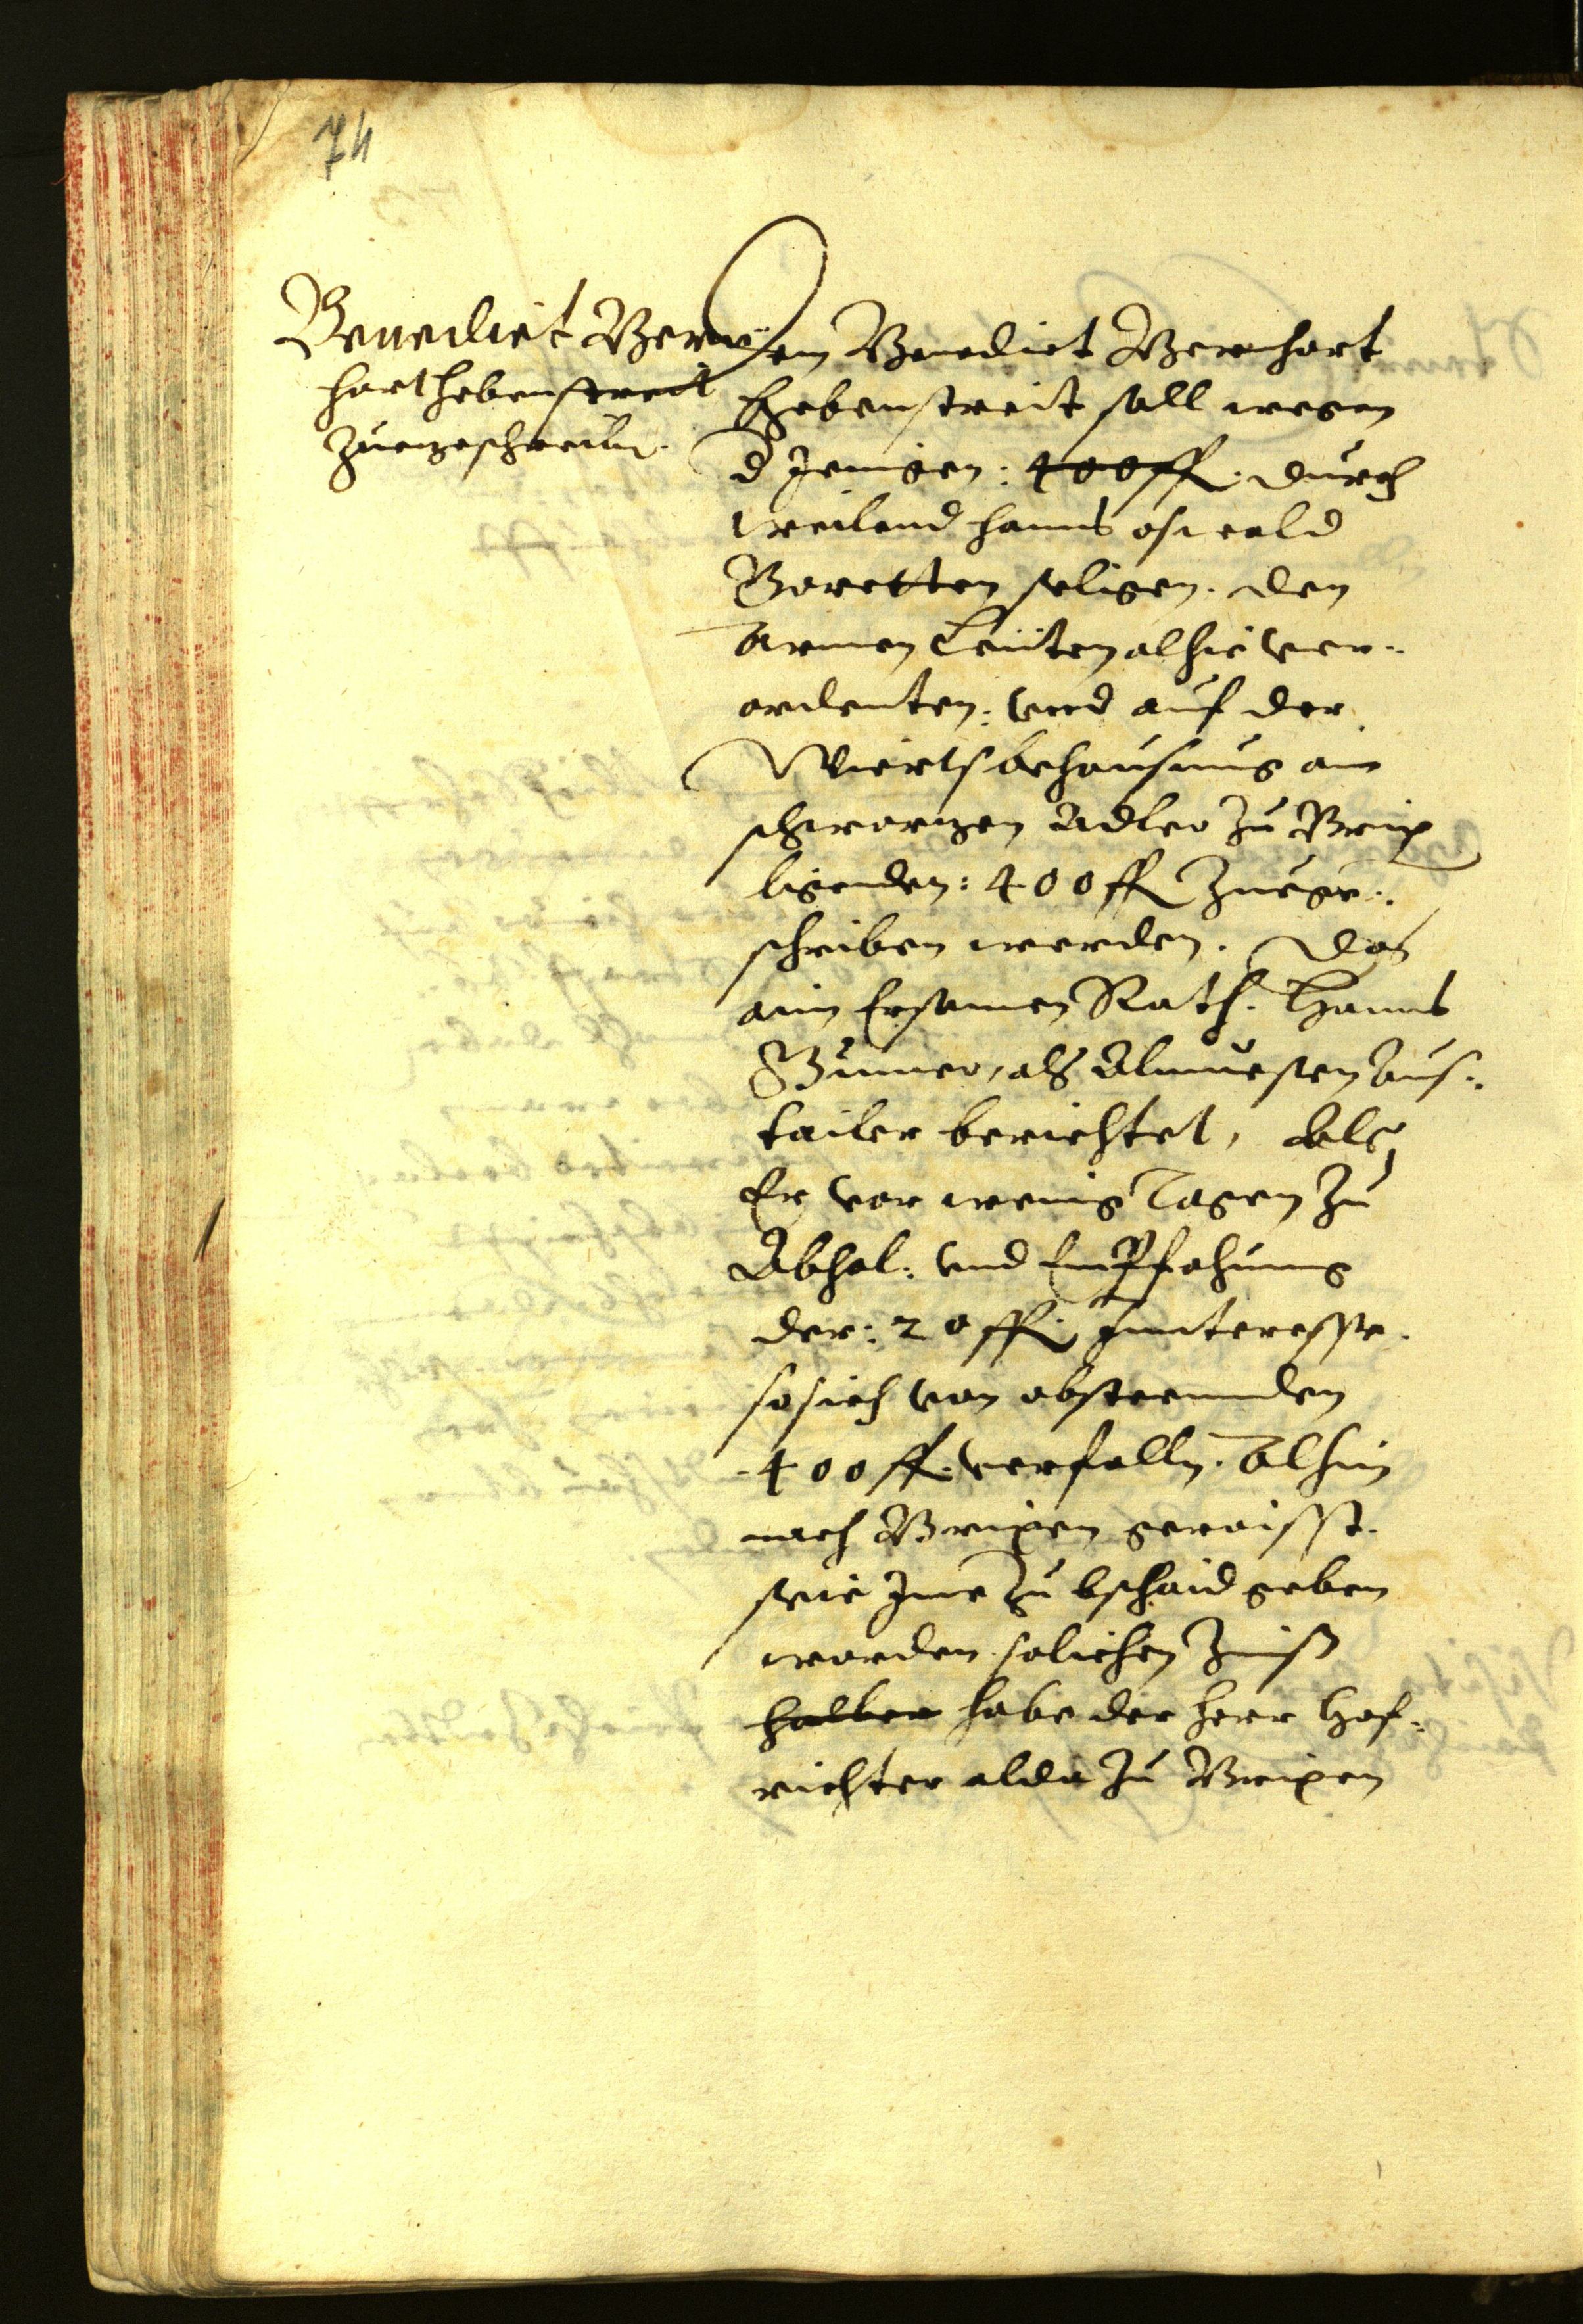74
Dem Benedict Bernhart
Hebenstreit soll wegen
d Jenigen: 400 fl. dūrch
weilend hanns oswald
Goretten seligen. den
Armen Leüten alhie ver¬
ordenten: vnd aūf der
Wiertsbehaūsūng am
schwartzen Adler Zū Brix
ligenden: 400 fl Zūege¬
schriben werden. Das
aim Ersamen Rath. Hanns
Gūmer, als Almūesen Aūs¬
tailer berichtet, Als
Er vor wenig Tagen Zū
Abhol: vnd EmPfahūng
der: 20 fl. Innteresse.
so sich von obsteennden
.400 fl. verfalln. Alhin
nach Brixen geraisst.
seie Ime Zū bschaid geben
worden solichen Zinß
halber habe der herr Hof¬
richter alda zū Brixen
Benedict Bern¬
hart hebenstreit
Zūezeschreiben.